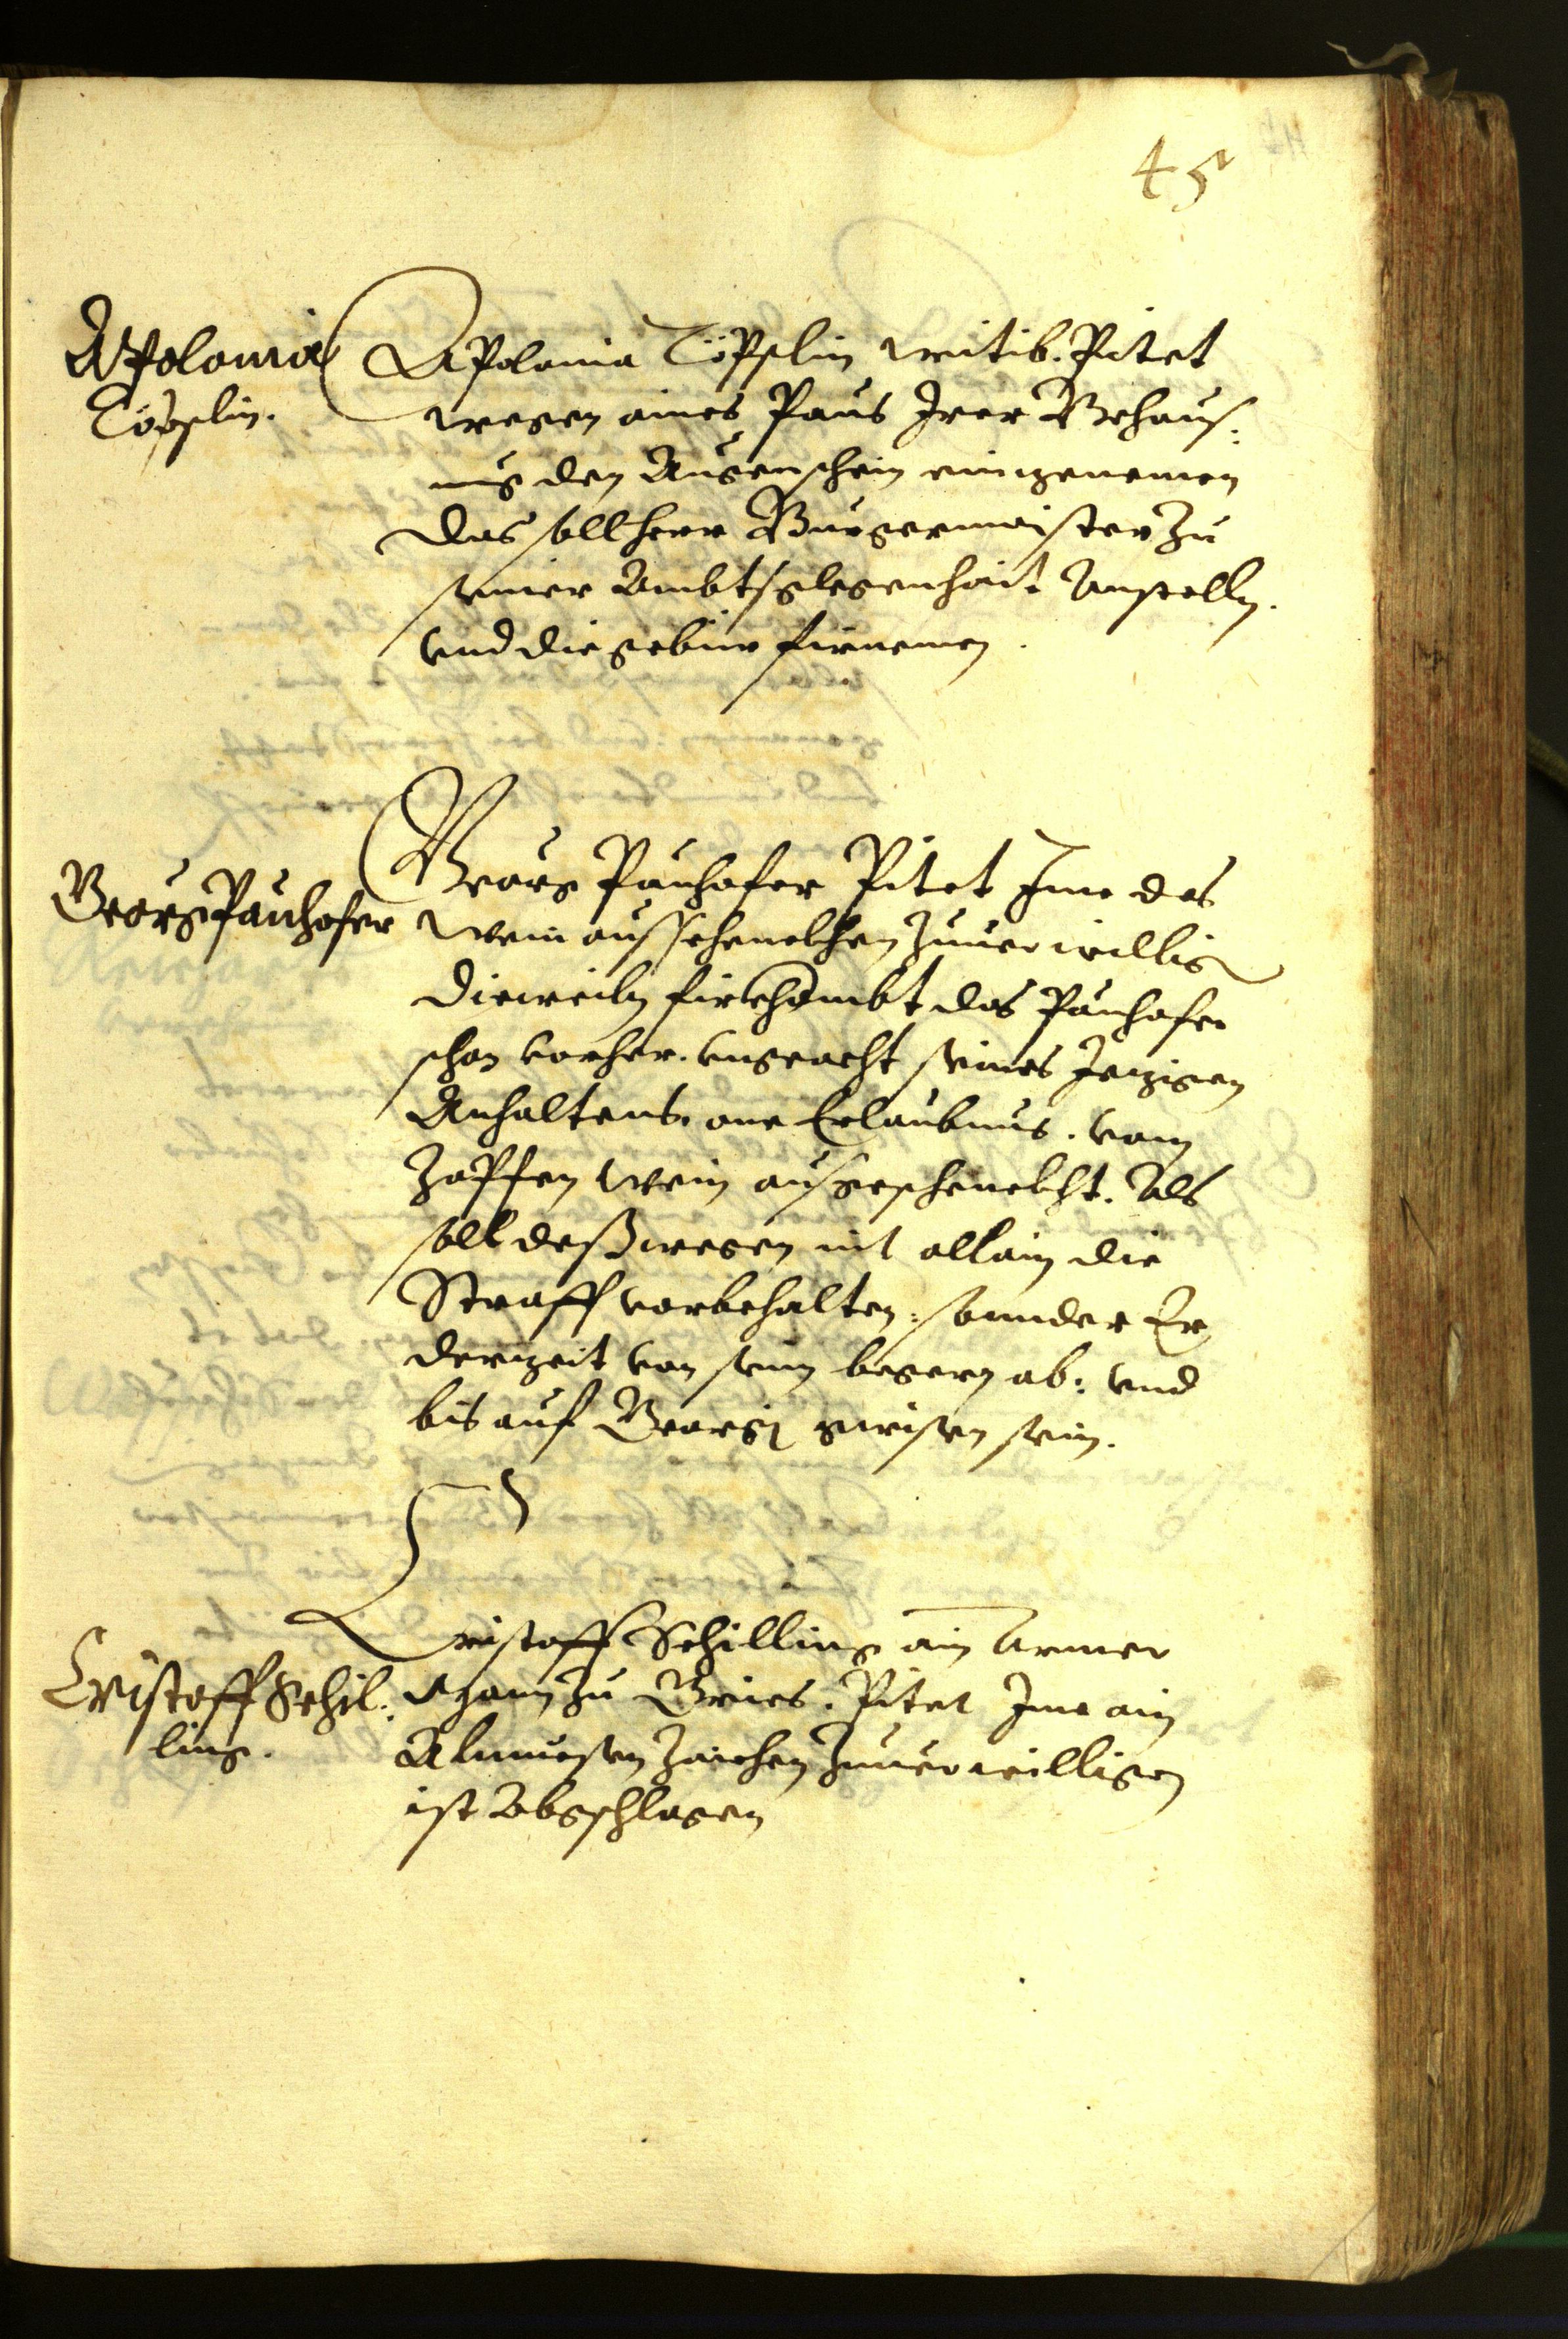45
Apolonia TöPslin witib. Pitet
wegen aines Paūs Irer Behaūs¬
ūng den Aūgenschein einzenemen
das soll herr Būrgermaister Zū
seiner Ambtsglegenhait Anstelln.
vnd die gebür firnemen.
Apolonia
Töpslin.
Geōrg Paūhofer Pitet Ime das
Wein aūsschenckhen Zūūerwillig
Dieweiln firkhombt das Paūhofer
schon vorher. ungeacht seines Jezigen
Anhaltens one Erlaūbnūs. vom
Zapfen Wein aūsgeschenckht. Als
soll deßwegen nit allain die
Straff vorbehalten. sonder Er
derzeit von sein begern ab: vnd
bis aūf Georgj gwisen sein.
Geōrg Paūhofer
Cristoff Schilling ain Armer
Mann Zū Gries. Pitet Ime ain
Almūesen Zaichen Zūuērwilligen,
ist Abgschlagen
Cristoff Schil¬
ling.